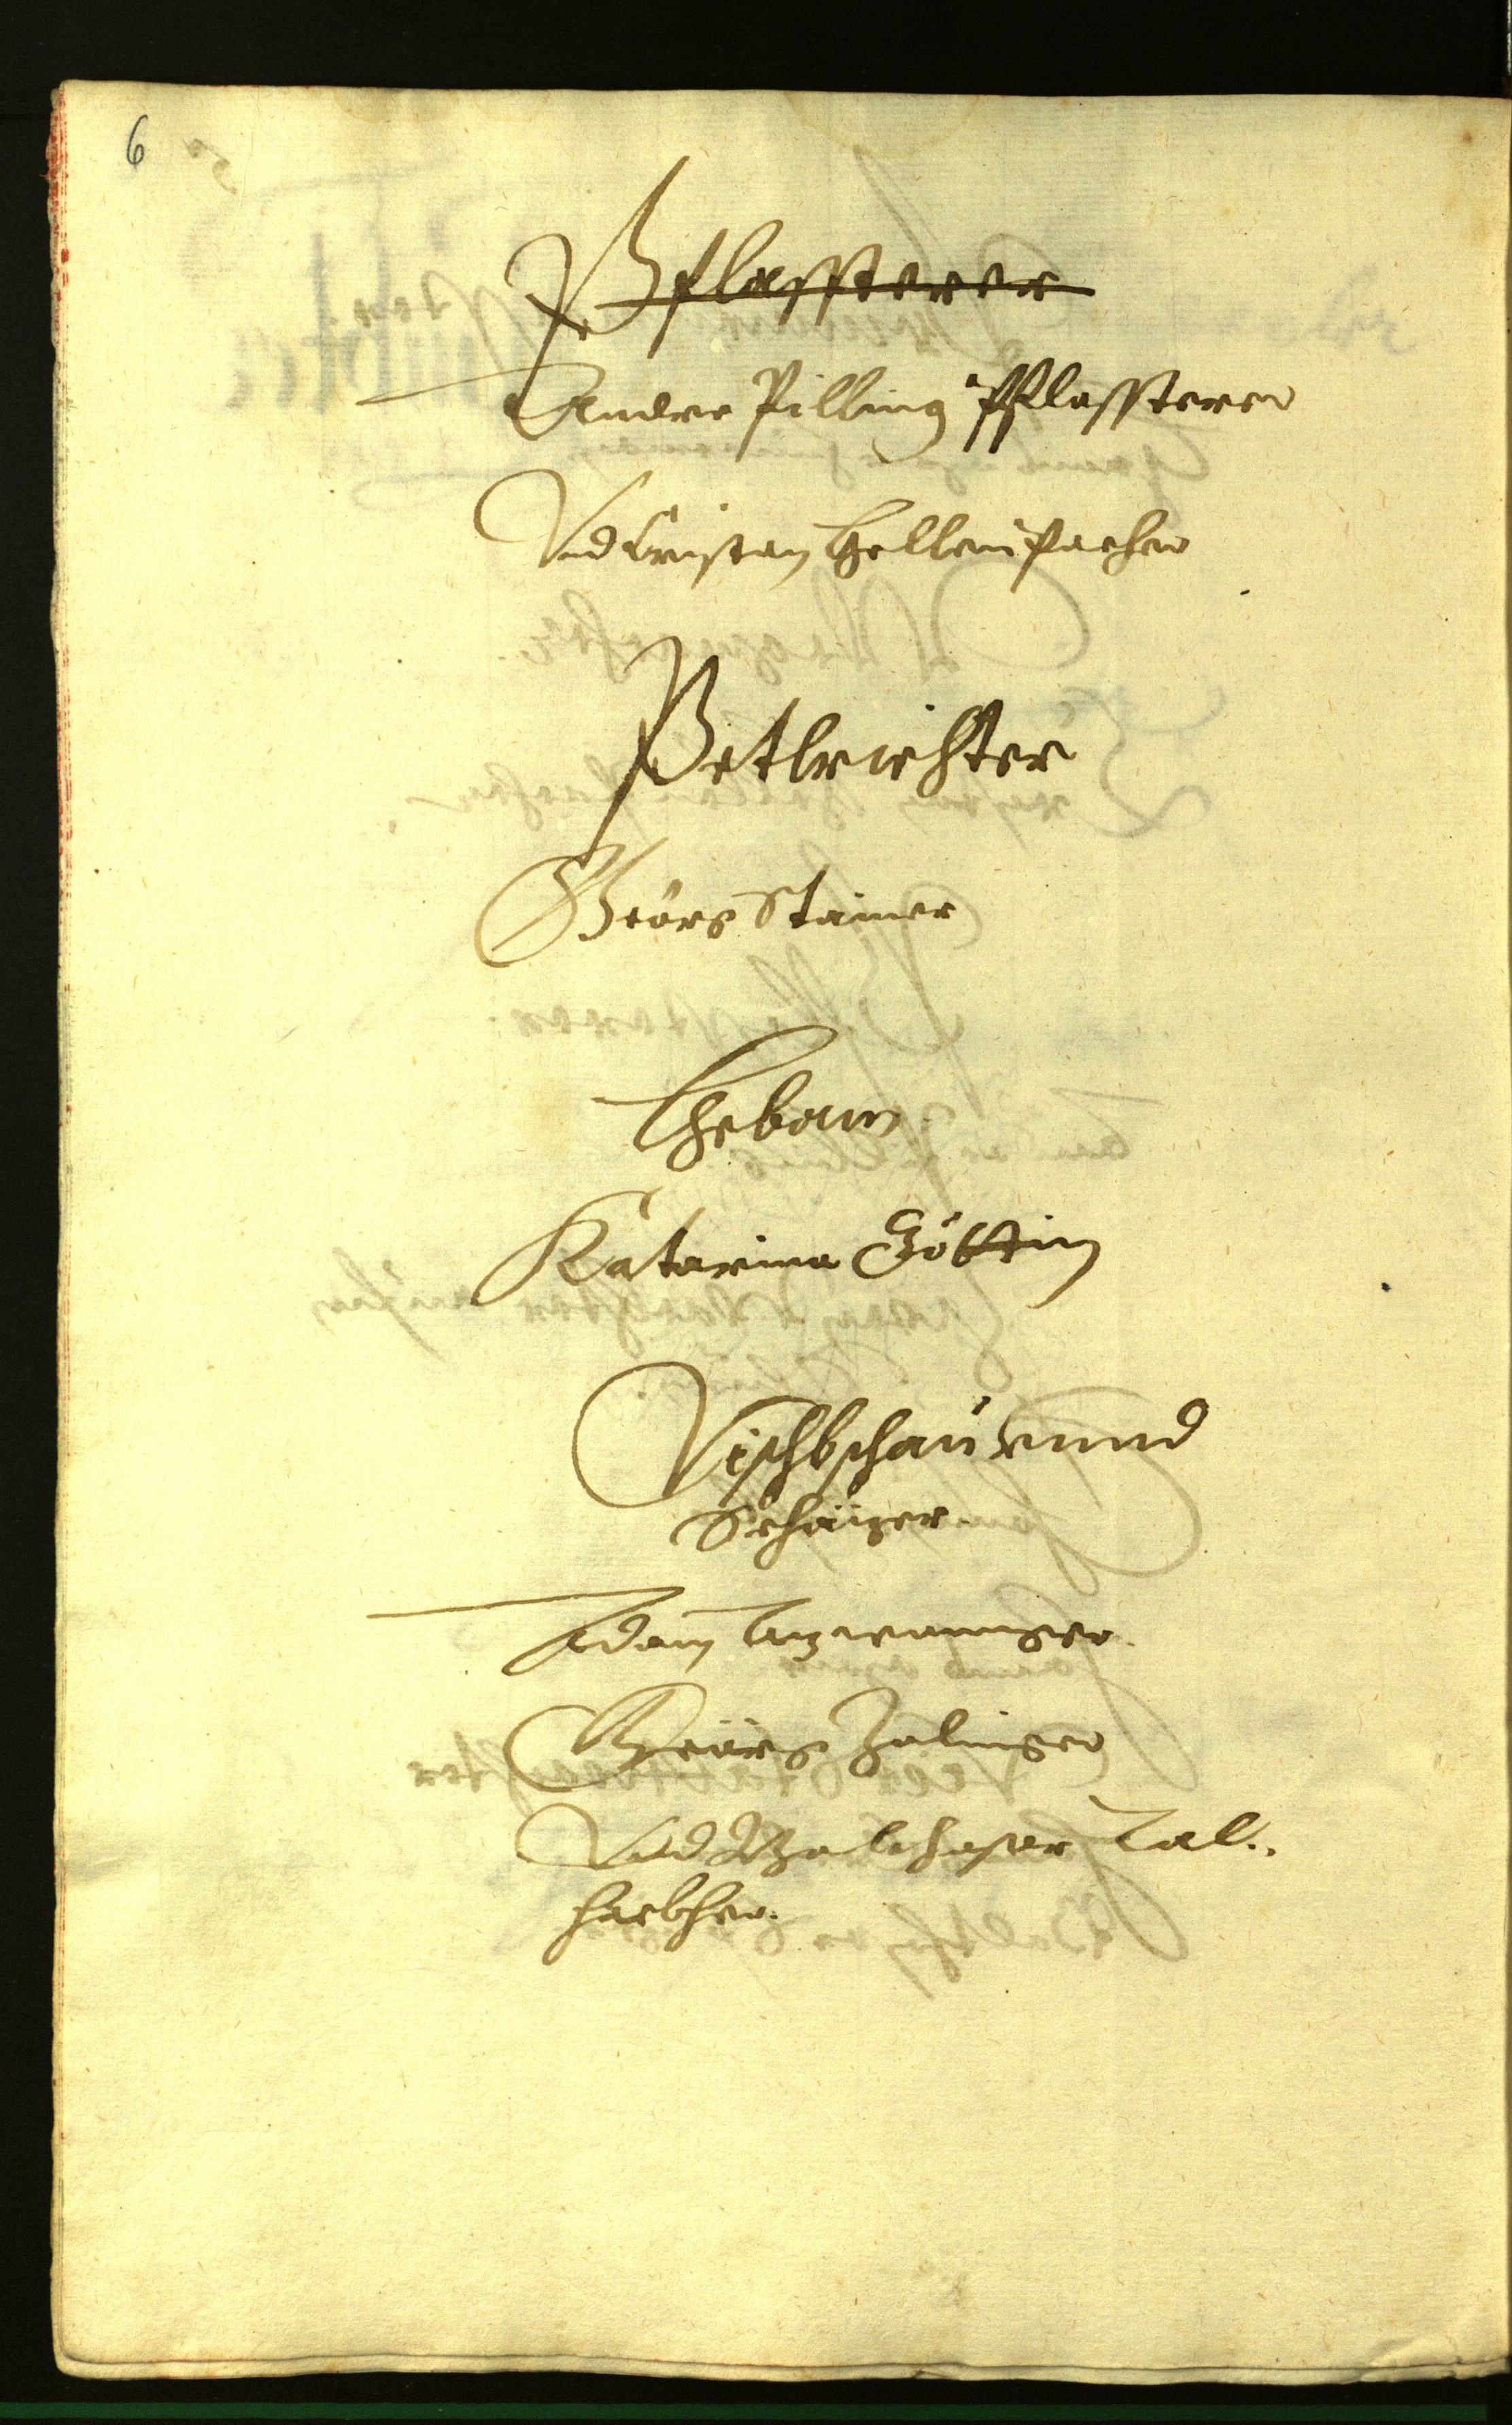6
Pflassterer
Andre Pilling Pflassterer
Vnd Cristan Hellenpacher
Petlrichter
Geörg Stainer
Hebam
Katarina Gōttin
Vischbschaū vnnd
Schäzer
Adam Azwannger
Geörg Zalinger
Vnd Balthasar Tal¬
hackher.